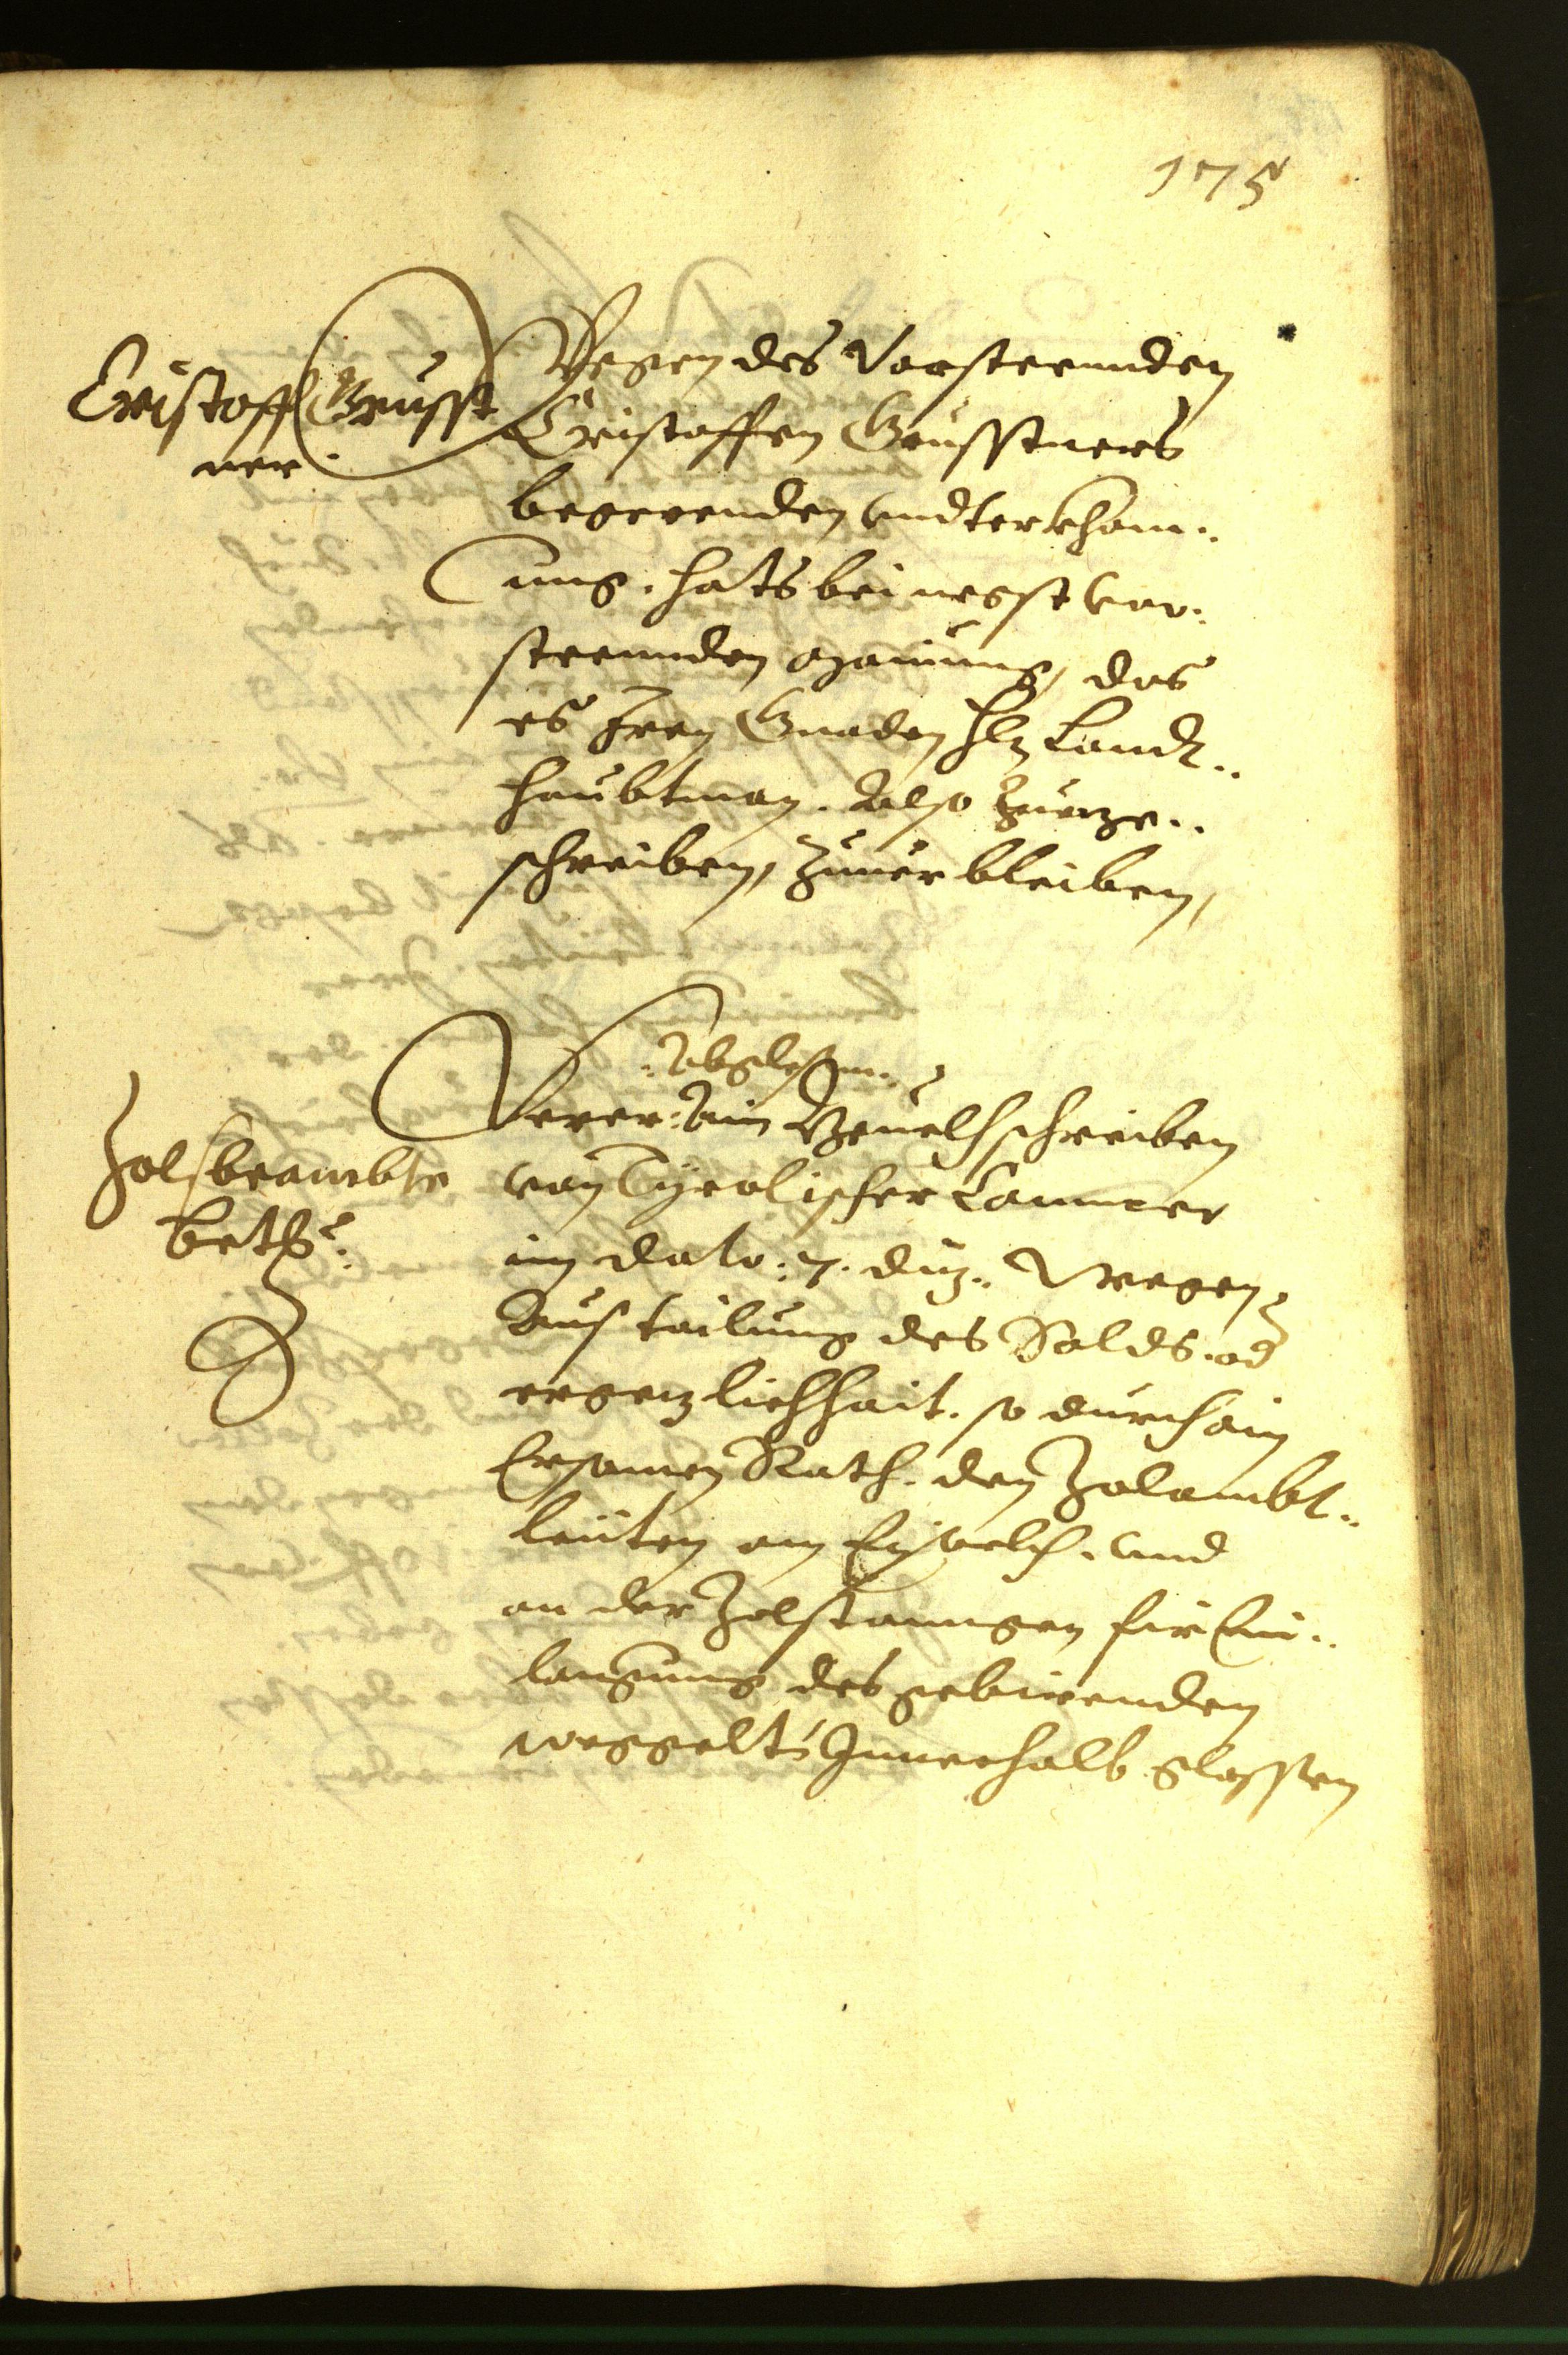175
Wegen des Vorsteenden
Cristoffen Grūsstners
begerenden vndterkhom¬
ūng. Hats bei negst vor¬
steenden Mainūng, das
es Iren Gnaden hln Landt¬
haūbtman. Also Zūeze¬
schreiben, Zūūerbleiben,
Cristoff Grūsst¬
ner.
:Abglesen:
Verer: Ain Beūelhschreiben
von Tÿrolischer Cammer
im dato: 7. diz: Wegen
Aūs tailūng des Solds. od
ergezlichhait. so dūrch ain
Ersamen Rath. den Zolambt¬
leüten am Eisackh. vnd
an der Zolstanngen fir Ein¬
langūng des gebirenden
weggelts Innerhalb glassen.
Zolsbeambte
bet: